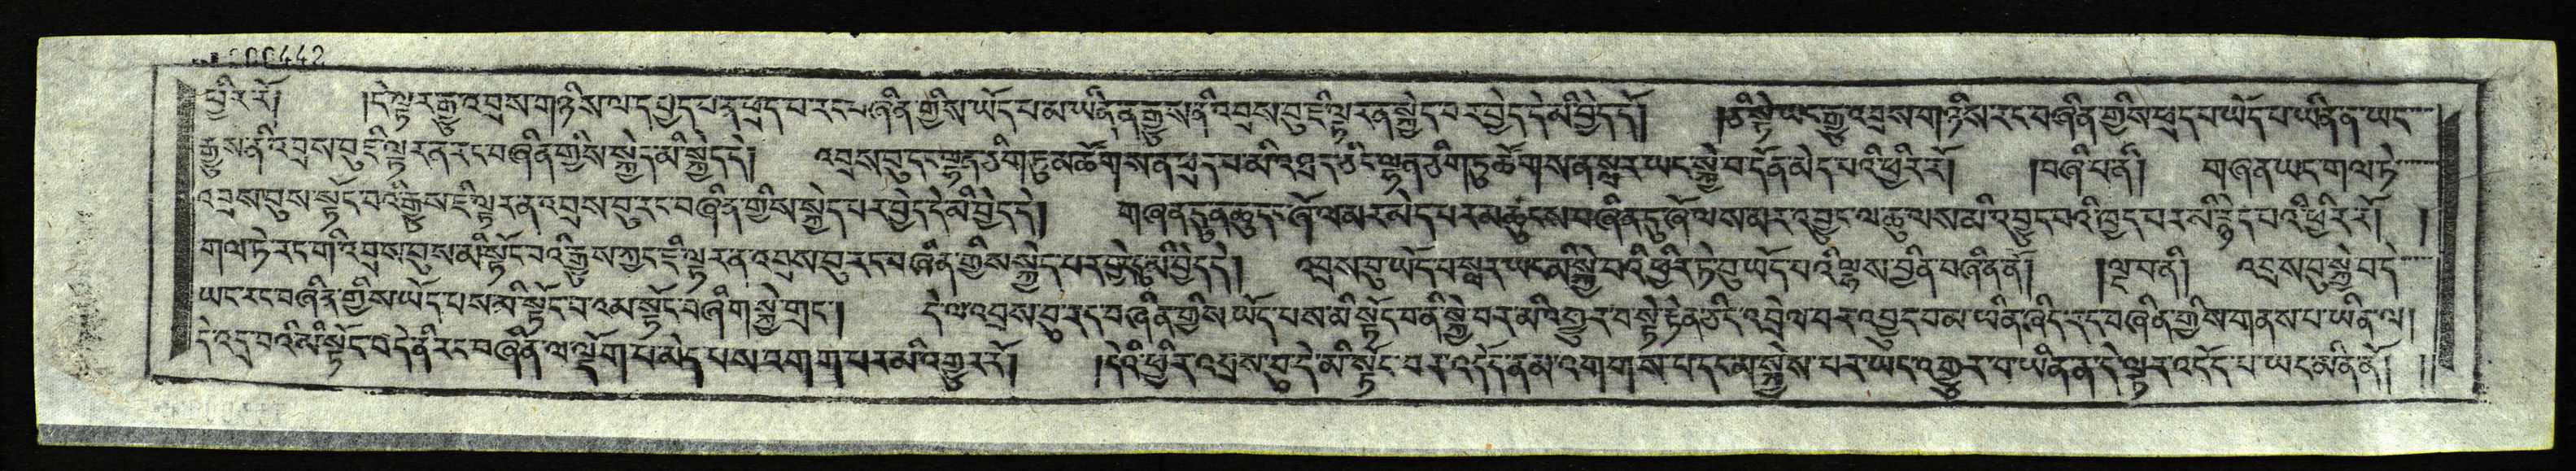ཕྱིར་རོ། །དེ་ལྟར་རྒྱུ་འབྲས་གཉིས་ལ་དཔྱད་པ་ན་ཕྲད་པ་རང་བཞིན་གྱིས་ཡོད་པ་མ་ཡིན་ན་རྒྱུས་ནི་འབྲས་བུ་ཇི་ལྟར་ན་སྐྱེད་བར་བྱེད་དེ་མི་བྱེད་དོ། །ཅི་སྟེ་ཡང་རྒྱུ་འབྲས་གཉིས་རང་བཞིན་གྱིས་ཕྲད་པ་ཡོད་པ་ཡིན་ན་ཡང་
རྒྱུས་ནི་འབྲས་བུ་ཇི་ལྟར་ན་རང་བཞིན་གྱིས་སྐྱེད་མི་སྐྱེད་དེ། འབྲས་བུ་དང་ལྷན་ཅིག་ཏུ་མ་ཚོགས་ན་ཕྲད་པ་མི་འཐད་ཅིང་ལྷན་ཅིག་ཏུ་ཚོགས་ན་སླར་ཡང་སྐྱེ་བ་དོན་མེད་པའི་ཕྱིར་རོ། །བཞི་པ་ནི། གཞན་ཡང་གལ་ཏེ་
འབྲས་བུས་སྟོང་པའི་རྒྱུས་ཇི་ལྟར་ན་འབྲས་བུ་རང་བཞིན་གྱིས་སྐྱེད་པར་བྱེད་དེ་མི་བྱེད་དེ། གཞན་དུ་ན་ཆུ་དང་ཞོ་ལ་མར་མེད་པར་མཚུངས་བཞིན་དུ་ཞོ་ལས་མར་འབྱུང་ལ་ཆུ་ལས་མི་འབྱུང་བའི་ཁྱད་པར་མི་རྙེད་པའི་ཕྱིར་རོ། །
གལ་ཏེ་རང་གི་འབྲས་བུས་མི་སྟོང་པའི་རྒྱུས་ཀྱང་ཇི་ལྟར་ན་འབྲས་བུ་རང་བཞིན་གྱིས་སྐྱེད་པར་བྱེད་དུ་མི་བྱེད་དེ། འབྲས་བུ་ཡོད་པ་སླར་ཡང་མི་སྐྱེ་བའི་ཕྱིར་ཏེ་བུ་ཡོད་པའི་ལྷས་བྱིན་བཞིན་ནོ། །ལྔ་པ་ནི། འབྲས་བུ་སྐྱེ་བ་དེ་
ཡང་རང་བཞིན་གྱིས་ཡོད་པས་མི་སྟོང་པ་འམ་སྟོང་བ་ཞིག་སྐྱེ་གྲང་། དེ་ལ་འབྲས་བུ་རང་བཞིན་གྱིས་ཡོད་པས་མི་སྟོང་པ་ནི་སྐྱེ་བར་མི་འགྱུར་བ་སྟེ་རྟེན་ཅིང་འབྲེལ་བར་འབྱུང་བ་མ་ཡིན་ཞིང་རང་བཞིན་གྱིས་གནས་པ་ཡིན་ལ།
དེ་འདྲ་བའི་མི་སྟོང་པ་དེ་ནི་རང་བཞིན་ལ་ལྡོག་པ་མེད་པས་འགག་པར་མི་འགྱུར་རོ། །དེའི་ཕྱིར་འབྲས་བུ་དེ་མི་སྟོང་པར་འདོད་ནམ་འགགས་པ་དང་མ་སྐྱེས་པར་ཡང་འགྱུར་བ་ཡིན་ན་དེ་ལྟར་འདོད་པ་ཡང་མིན་ནོ། །